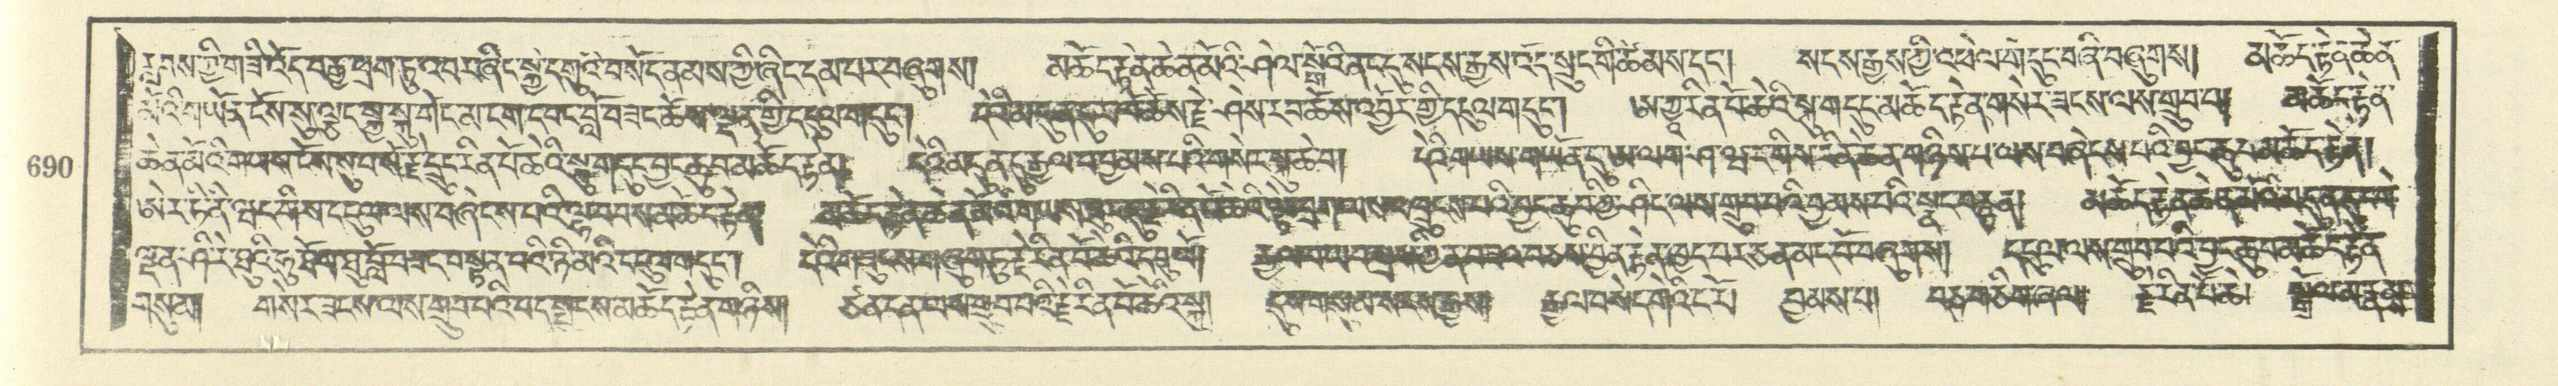རླབས་ཀྱི་གཟི་འོད་བརྒྱ་ཕྲག་ཏུ་འབར་ཞིང་སྐྱེ་དགུའི་བསོད་ནམས་ཀྱི་ཞིང་དམ་པར་བཞུགས། མཆོད་རྟེན་ཆེན་མོའི་ཤེལ་སྒོའི་ནང་དུ་སངས་རྒྱས་འོད་སྲུང་གི་ཚེམས་དང་། སངས་རྒྱས་ཀྱི་འཕེལ་གདུང་བཞི་བཞུགས། མཆོད་རྟེན་ཆེན་
མོའི་གཡོན་ངོས་སུ་ལྕང་སྐྱ་སྐུ་གོང་མ་ངག་དབང་བློ་བཟང་ཆོས་ལྡན་གྱི་དངུལ་གདུང་། དེའི་མདུན་དུར་ཁོ་ཆོས་རྗེ་ཤེས་རབ་ཆོས་འབྱོར་གྱི་དངུལ་གདུང་། ཨ་ཀྱཱ་རིན་པོ་ཆེའི་སྐུ་གདུང་མཆོད་རྟེན་གསེར་ཟངས་ལས་གྲུབ་པ། མཆོད་རྟེན་
ཆེན་མོའི་གཡས་ངོས་སུ་བསོ་རྗེ་དྲུང་རིན་པོ་ཆེའི་སྐུ་གདུང་བྱང་ཆུབ་མཆོད་རྟེན། དེའི་མདུན་དུ་རྒྱལ་བ་བྱམས་པའི་གསེར་སྐུ་ཆེ་བ། དེའི་གཡས་གཡོན་དུ་ཨ་ལག་ཤ་ཝང་གིས་རིན་ཆེན་གཉིས་པ་ལས་བཞེངས་པའི་བྱང་ཆུབ་མཆོད་རྟེན།
ཨེར་ཏི་ནི་ཝང་གིས་དངུལ་ལས་བཞེངས་པའི་ལྷ་བབས་མཆོད་རྟེན། མཆོད་རྟེན་ཆེན་མོའི་གཡས་ཟུར་དུ་རྗེ་རིན་པོ་ཆེའི་ལྟེ་ཁྲག་ལས་འཁྲུངས་པའི་བྱང་ཆུབ་ཀྱི་ཤིང་ལས་གྲུབ་པའི་བྱམས་པའི་སྣང་བརྙན། མཆོད་རྟེན་ཆེན་མོའི་མདུན་དུ་ངག་
ལྡན་ཤི་རེ་ཐུའི་ཧུ་ཐོག་ཐུ་བློ་བཟང་བསྟན་པའི་ཉི་མའི་དངུལ་གདུང་། དེའི་གཟུངས་གཞུག་ཏུ་རྗེ་རིན་པོ་ཆེའི་དབུ་ལོ། རྒྱལ་བ་ཡབ་སྲས་ཀྱི་ན་བཟའ་བཅས་བྱིན་རྟེན་ཁྱད་པར་ཅན་མང་པོ་བཞུགས། དངུལ་ལས་གྲུབ་པའི་བྱང་ཆུབ་མཆོད་རྟེན་
གསུམ། གསེར་ཟངས་ལས་གྲུབ་པའི་བད་སྤུངས་མཆོད་རྟེན་གཉིས། ཙན་དན་ལས་གྲུབ་པའི་རྗེ་རིན་པོ་ཆེའི་སྐུ། དུས་གསུམ་སངས་རྒྱས། རྒྱལ་བ་སེང་གེའི་ད་རོ། བྱམས་པ། བཅུ་གཅིག་ཞལ། རྗེ་རིན་པོ་ཆེ། སྒྲོལ་མ་རྣམས་